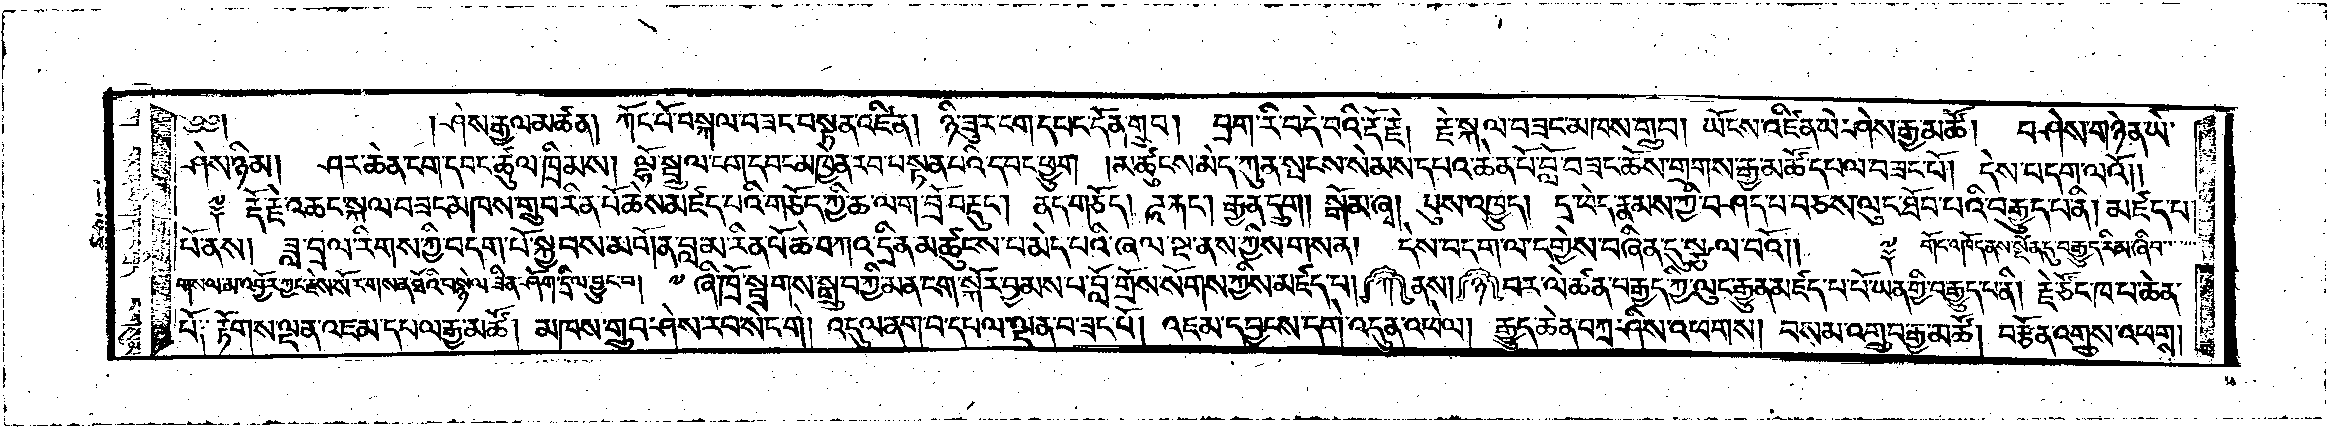༄༅། །ཤེས་རྒྱལ་མཚན། ཀོང་པོ་བསྐལ་བཟང་བསྟན་འཛིན། ཉི་ཟུར་ངག་དབང་དོན་གྲུབ། བྲག་རི་བདེ་བའི་རྡོ་རྗེ། རྗེ་སྐལ་བཟང་མཁས་གྲུབ། ཡོངས་འཛིན་ཡེ་ཤེས་རྒྱ་མཚོ། བཤེས་གཉེན་ཡེ་
ཤེས་ཉི་མ། ཤར་ཆེན་ངག་དབང་ཚུལ་ཁྲིམས། ལྷོ་སྤྲུལ་ངག་དབང་མཁྱེན་རབ་བསྟན་པའི་དབང་ཕྱུག །མཚུངས་མེད་ཀུན་སྤངས་སེམས་དཔའ་ཆེན་པོ་བློ་བཟང་ཆོས་གྲགས་རྒྱ་མཚོ་དཔལ་བཟང་པོ། དེས་བདག་ལའོ།།
༈ རྡོ་རྗེ་འཆང་སྐལ་བཟང་མཁས་གྲུབ་རིན་པོ་ཆེས་མཛད་པའི་གཅོད་ཀྱི་ཆ་ལག་བྲོ་བརྡུང་། ནད་གཅོད། ཌཱརྐང་། རྒྱན་དྲུག། སྒོམ་ཞྭ། པུས་འཁྱུད། དྲ་ཕེད་རྣམས་ཀྱི་བཤད་པ་བཅས་ལུང་ཐོབ་པའི་བརྒྱུད་པ་ནི། མཛད་པ་
པོ་ནས། ཟླ་བྲལ་རིགས་ཀྱི་བདག་པོ་སྐྱབས་མགོན་བླ་མ་རིན་པོ་ཆེ་བཀའ་དྲིན་མཚུངས་པ་མེད་པའི་ཞལ་སྔ་ནས་ཀྱིས་གསན། དེས་བདག་ལ་དགྱེས་བཞིན་དུ་སྩལ་བའོ།། ༈ གོང་འཁོད་ནས་སྔོན་དུ་བརྒྱུད་རིམ་ཞིབ་
གསལ་མ་འབྱོར་ཀྱང་རྗེས་སོར་གསན་ཐོའི་བསྙེལ་ཟིན་ཤོག་དྲིལ་བྱུང་བ། ༧་ཞི་ཁྲོ་སྦྲགས་སྒྲུབ་ཀྱི་མན་ངག་སྐོར་བྱམས་པ་བློ་གྲོས་སོགས་ཀྱིས་མཛད་པ། ༼ཀ༽ ནས། ༼ཉ༽ བར་ལེ་ཚན་བརྒྱད་ཀྱི་ལུང་རྒྱུན་མཛད་པ་པོ་ཡན་གྱི་བརྒྱུད་པ་ནི། རྗེ་ཙོང་ཁ་པ་ཆེན་
པོ༑ རྟོགས་ལྡན་འཇལ་དཔལ་རྒྱ་མཚོ། མཁས་གྲུབ་ཤེས་རབ་སེང་གེ། འདུལ་ནག་བ་དཔལ་ལྡན་བཟང་པོ། འཇམ་དབྱངས་དགེ་འདུན་འཕེལ། རྒྱུད་ཆེན་བཀྲ་ཤིས་འཕགས། བསམ་འགྲུབ་རྒྱ་མཚོ། བརྩོན་འགྲུས་འཕགས།